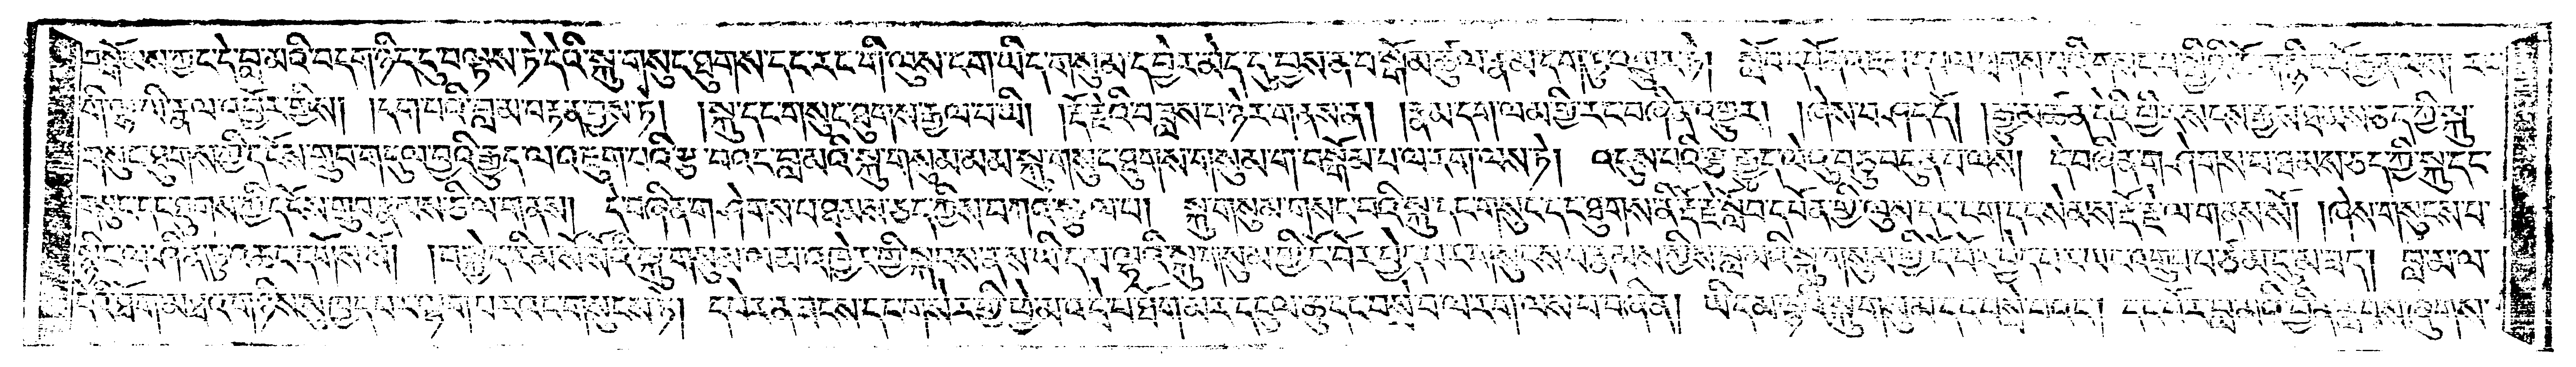བསྒོམས་ཀྱང་དེ་བླ་མའི་བདག་ཉིད་དུ་བལྟས་ཏེ་དེའི་སྐུ་གསུང་ཐུགས་དང་རང་གི་ལུས་ངག་ཡིད་གསུམ་དབྱེར་མེད་དུ་བྱས་ན་བསྒོམ་ཚུལ་རྣམ་དག་ཏུ་འགྱུར་ཏེ། སློབ་དཔོན་འཇམ་དཔལ་གྲགས་པའི་གསང་བ་སྤྱིའི་ཆོག་སྙིང་པོ་རྒྱན་ལས། རང་
གི་ལྷ་ཡི་རྣལ་འབྱོར་གྱིས། །དག་པའི་བླ་མ་བརྟན་བྱས་ཏེ། །སྐུ་དང་གསུང་ཐུགས་རྒྱལ་བ་ཡི། །རྡོ་རྗེའི་བཟླས་པ་ཉེར་གནས་ན། །རྣམ་དག་ལམ་གྱི་རང་བཞིན་འགྱུར། །ཞེས་བཤད་དོ། །རྒྱུ་མཚན་དེའི་ཕྱིར་སངས་རྒྱས་ཐམས་ཅད་ཀྱི་སྐུ་
གསུང་ཐུགས་ཀྱི་དངོས་གྲུབ་གདུལ་བྱའི་རྒྱུད་ལ་འཇུག་པའི་རྩ་བའང་བླ་མའི་སྐུ་གསུམ་མམ་སྐུ་གསུང་ཐུགས་གསུམ་ག་བསྒོམ་པ་ལ་རག་ལས་ཏེ། འདུས་པའི་རྩ་རྒྱུད་ལེའུ་བཅུ་བདུན་པ་ལས། དེ་བཞིན་གཤེགས་པ་ཐམས་ཅད་ཀྱི་སྐུ་དང་
གསུང་དང་ཐུགས་ཀྱི་དངོས་གྲུབ་རྣམས་ཅི་ལ་གནས། དེ་བཞིན་གཤེགས་པ་ཐམས་ཅད་ཀྱིས་བཀའ་སྩལ་པ། སྐུ་གསུམ་གསང་བའི་སྐུ་དང་གསུང་དང་ཐུགས་ནི་རྡོ་རྗེ་སློབ་དཔོན་གྱི་ལུས་དང་དག་དང་སེམས་རྡོ་རྗེ་ལ་གནས་སོ། །ཞེས་གསུངས་པ་
སྙིང་ལ་ཤིན་ཏུ་འཆང་དགོས་སོ། །བསྐྱེད་རིམ་སོ་སོའི་སྐུ་གསུམ་ལམ་འཁྱེར་གྱི་སྐབས་ནས་ཡི་དམ་ལྷའི་སྐུ་གསུམ་གྱི་ངོ་བོར་བྱེད་པར་གསུངས་པ་རྣམས་ཀྱིས་བླ་མའི་སྐུ་གསུམ་གྱི་ངོ་བོར་བྱེད་པར་ཡང་འགྲུབ་པ་ཙམ་དུ་མ་ཟད། བླ་མ་ལ་
དེའི་ཐོག་མཐའ་གཉིས་སུ་ཁྱད་པར་ལྷག་པར་འང་གསུངས་ཏེ། དཔེར་ན་ཟངས་དང་གསེར་གྱི་ཕྱེ་མ་འདྲེ་བ་ཐོག་མར་དངུལ་ཆུ་དང་བསྲེ་བ་ལ་རག་ལས་པ་བཞིན། ཡི་དམ་ལྷའི་སྐུ་གསུམ་དང་བསྲེ་བའང་། དང་པོར་བླ་མའི་བྱིན་རླབས་ཞུགས་